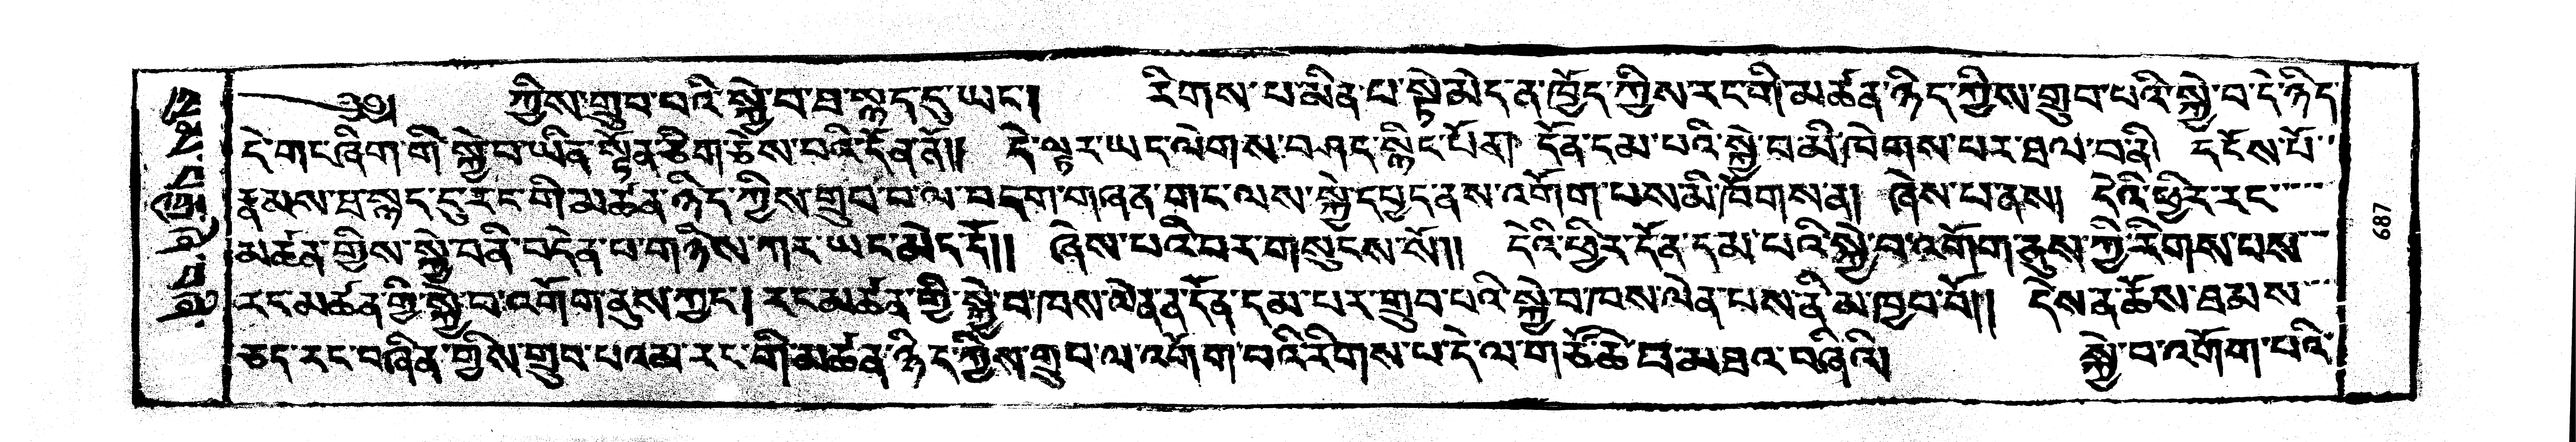༄༅། །ཀྱིས་གྲུབ་པའི་སྐྱེ་བ་ཐ་སྙད་དུ་ཡང་། རིགས་པ་མིན་པ་སྟེ་མེད་ན་ཁྱོད་ཀྱིས་རང་གི་མཚན་ཉིད་ཀྱིས་གྲུབ་པའི་སྐྱེ་བ་དེ་ཉིད་
དེ་གང་ཞིག་གི་སྐྱེ་བ་ཡིན་སྟོན་ཅིག་ཅེས་པའི་དོན་ནོ། །དེ་ལྟར་ཡང་ལེགས་བཤད་སྙིང་པོར། དོན་དམ་པའི་སྐྱེ་བ་མི་ཁེགས་པར་ཐལ་བ་ནི། དངོས་པོ་
རྣམས་ཐ་སྙད་དུ་རང་གི་མཚན་ཉིད་ཀྱིས་གྲུབ་པ་ལ་བདག་གཞན་གང་ལས་སྐྱེ་དཔྱད་ནས་འགོག་པས་མི་ཁོགས་ན། ཞེས་པ་ནས། དེའི་ཕྱིར་རང་
མཚན་གྱིས་སྐྱེ་བ་ནི་བདེན་པ་གཉིས་ཀར་ཡང་མེད་དོ། །ཞེས་པའི་བར་གསུངས་སོ། །དེའི་ཕྱིར་དོན་དམ་པའི་སྐྱེ་བ་འགོག་ནུས་ཀྱི་རིགས་པས་
རང་མཚན་གྱི་སྐྱེ་བ་འགོག་ནུས་ཀྱང་། རང་མཚན་གྱི་སྐྱེ་བ་ཁས་ལེན་ན་དོན་དམ་པར་གྲུབ་པའི་སྐྱེ་བ་ཁས་ལེན་པས་ནི་མ་ཁྱབ་བོ། །དེས་ན་ཆོས་ཐམས་
ཅད་རང་བཞིན་གྱིས་གྲུབ་པའམ་རང་གི་མཚན་ཉིད་ཀྱིས་གྲུབ་ལ་འགོག་བའི་རིགས་པ་དེ་ལ་གཙོ་ཆེ་བ་མཐའ་བཞིའི། སྐྱེ་བ་འགོག་པའི་